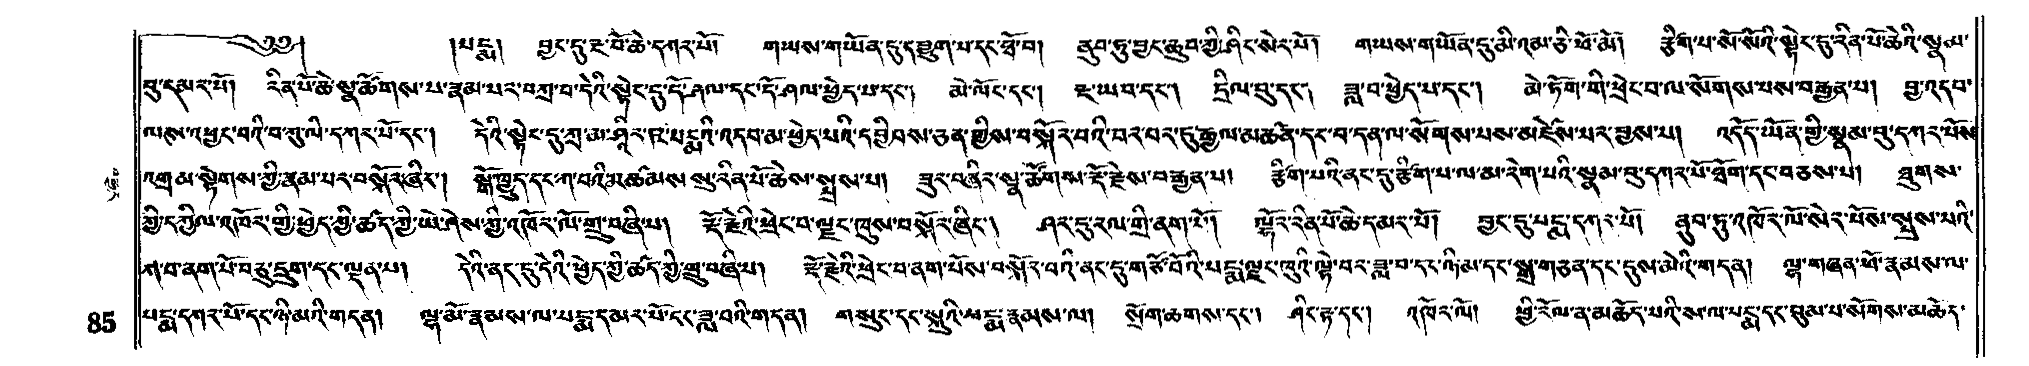༄༅། །པདམ། བྱང་དུ་རྔ་བོ་ཆེ་དཀར་པོ། གཡས་གཡོན་དུ་དབྱུག་པ་དང་ཐོ་བ། ནུབ་ཏུ་བྱང་ཆུབ་ཀྱི་ཤིང་སེར་པོ། གཡས་གཡོན་དུ་མིའམ་ཅི་ཕོ་མོ། རྩིག་པ་སོ་སོའི་སྟེང་དུ་རིན་པོ་ཆེའི་སྣམ་
བུ་དམར་པོ། རིན་པོ་ཆེ་སྣ་ཚོགས་པ་རྣམ་པར་བཀྲ་བ་དེའི་སྟེང་དུ་དོ་ཤལ་དང་དོ་ཤལ་ཕྱེད་པ་དང་། མེ་ལོང་དང་། རྔ་ཡབ་དང་། དྲིལ་བུ་དང་། ཟླ་བ་ཕྱེད་པ་དང་། མེ་ཏོག་གི་ཕྲེང་བ་ལ་སོགས་པས་བརྒྱན་པ། བྱ་འདབ་
ལས་འཕྱང་བའི་བ་ཀུ་ལི་དཀར་པོ་དང་། དེའི་སྟེང་དུ་ཀྲ་མ་ཤཱི་རྵ་པདམའི་འདབ་མ་ཕྱེད་པའི་དབྱིབས་ཅན་གྱིས་བསྐོར་བའི་བར་བར་དུ་རྒྱལ་མཚན་དང་བ་དན་ལ་སོགས་པས་མཛེས་པར་བྱས་པ། འདོད་ཡོན་གྱི་སྣམ་བུ་དཀར་པོས་
འགྲམ་སྟེགས་ཀྱི་རྣམ་པར་བསྐོར་ཞིང་། སྒོ་ཁྱུད་དང་ཀ་བའི་མཚམས་སུ་རིན་པོ་ཆེས་སྤྲས་པ། ཟུར་བཞིར་སྣ་ཚོགས་རྡོ་རྗེས་བརྒྱན་པ། རྩིག་པའི་ནང་དུ་རྩིག་པ་ལ་མ་རེག་པའི་སྣམ་བུ་དཀར་པོ་ཐོག་དང་བཅས་པ། ཐུགས་
ཀྱི་དཀྱིལ་འཁོར་གྱི་ཕྱེད་ཀྱི་ཚད་ཀྱི་ཡེ་ཤེས་ཀྱི་འཁོར་ལོ་གྲུ་བཞི་པ། རྡོ་རྗེའི་ཕྲེང་བ་ལྗང་ཁུས་བསྐོར་ཞིང་། ཤར་དུ་རལ་གྲི་ནག་པོ། ལྷོར་རིན་པོ་ཆེ་དམར་པོ། བྱང་དུ་པདམ་དཀར་པོ། ནུབ་ཏུ་འཁོར་ལོ་སེར་པོས་སྤྲས་པའི་
ཀ་བ་ནག་པོ་བཅུ་དྲུག་དང་ལྡན་པ། དེའི་ནང་དུ་དེའི་ཕྱེད་ཀྱི་ཚད་ཀྱི་གྲུ་བཞི་པ། རྡོ་རྗེའི་ཕྲེང་བ་ནག་པོས་བསྐོར་བའི་ནང་དུ་གཙོ་བོའི་པདམ་ལྗང་ཁུའི་ལྟེ་བར་ཟླ་བ་དང་ཉི་མ་དང་སྒྲ་གཅན་དང་དུས་མེའི་གདན། ལྷ་གཞན་ཕོ་རྣམས་ལ་
པདམ་དཀར་པོ་དང་ཉི་མའི་གདན། ལྷ་མོ་རྣམས་ལ་པདམ་དམར་པོ་དང་ཟླ་བའི་གདན། གསུང་དང་སྐུའི་པདམ་རྣམས་ལ། སྲོག་ཆགས་དང་། ཤིང་རྟ་དང་། འཁོར་ལོ། ཕྱི་རོལ་ན་མཆོད་པའི་ས་ལ་པདམ་དང་བུམ་པ་སོགས་མཆོད་